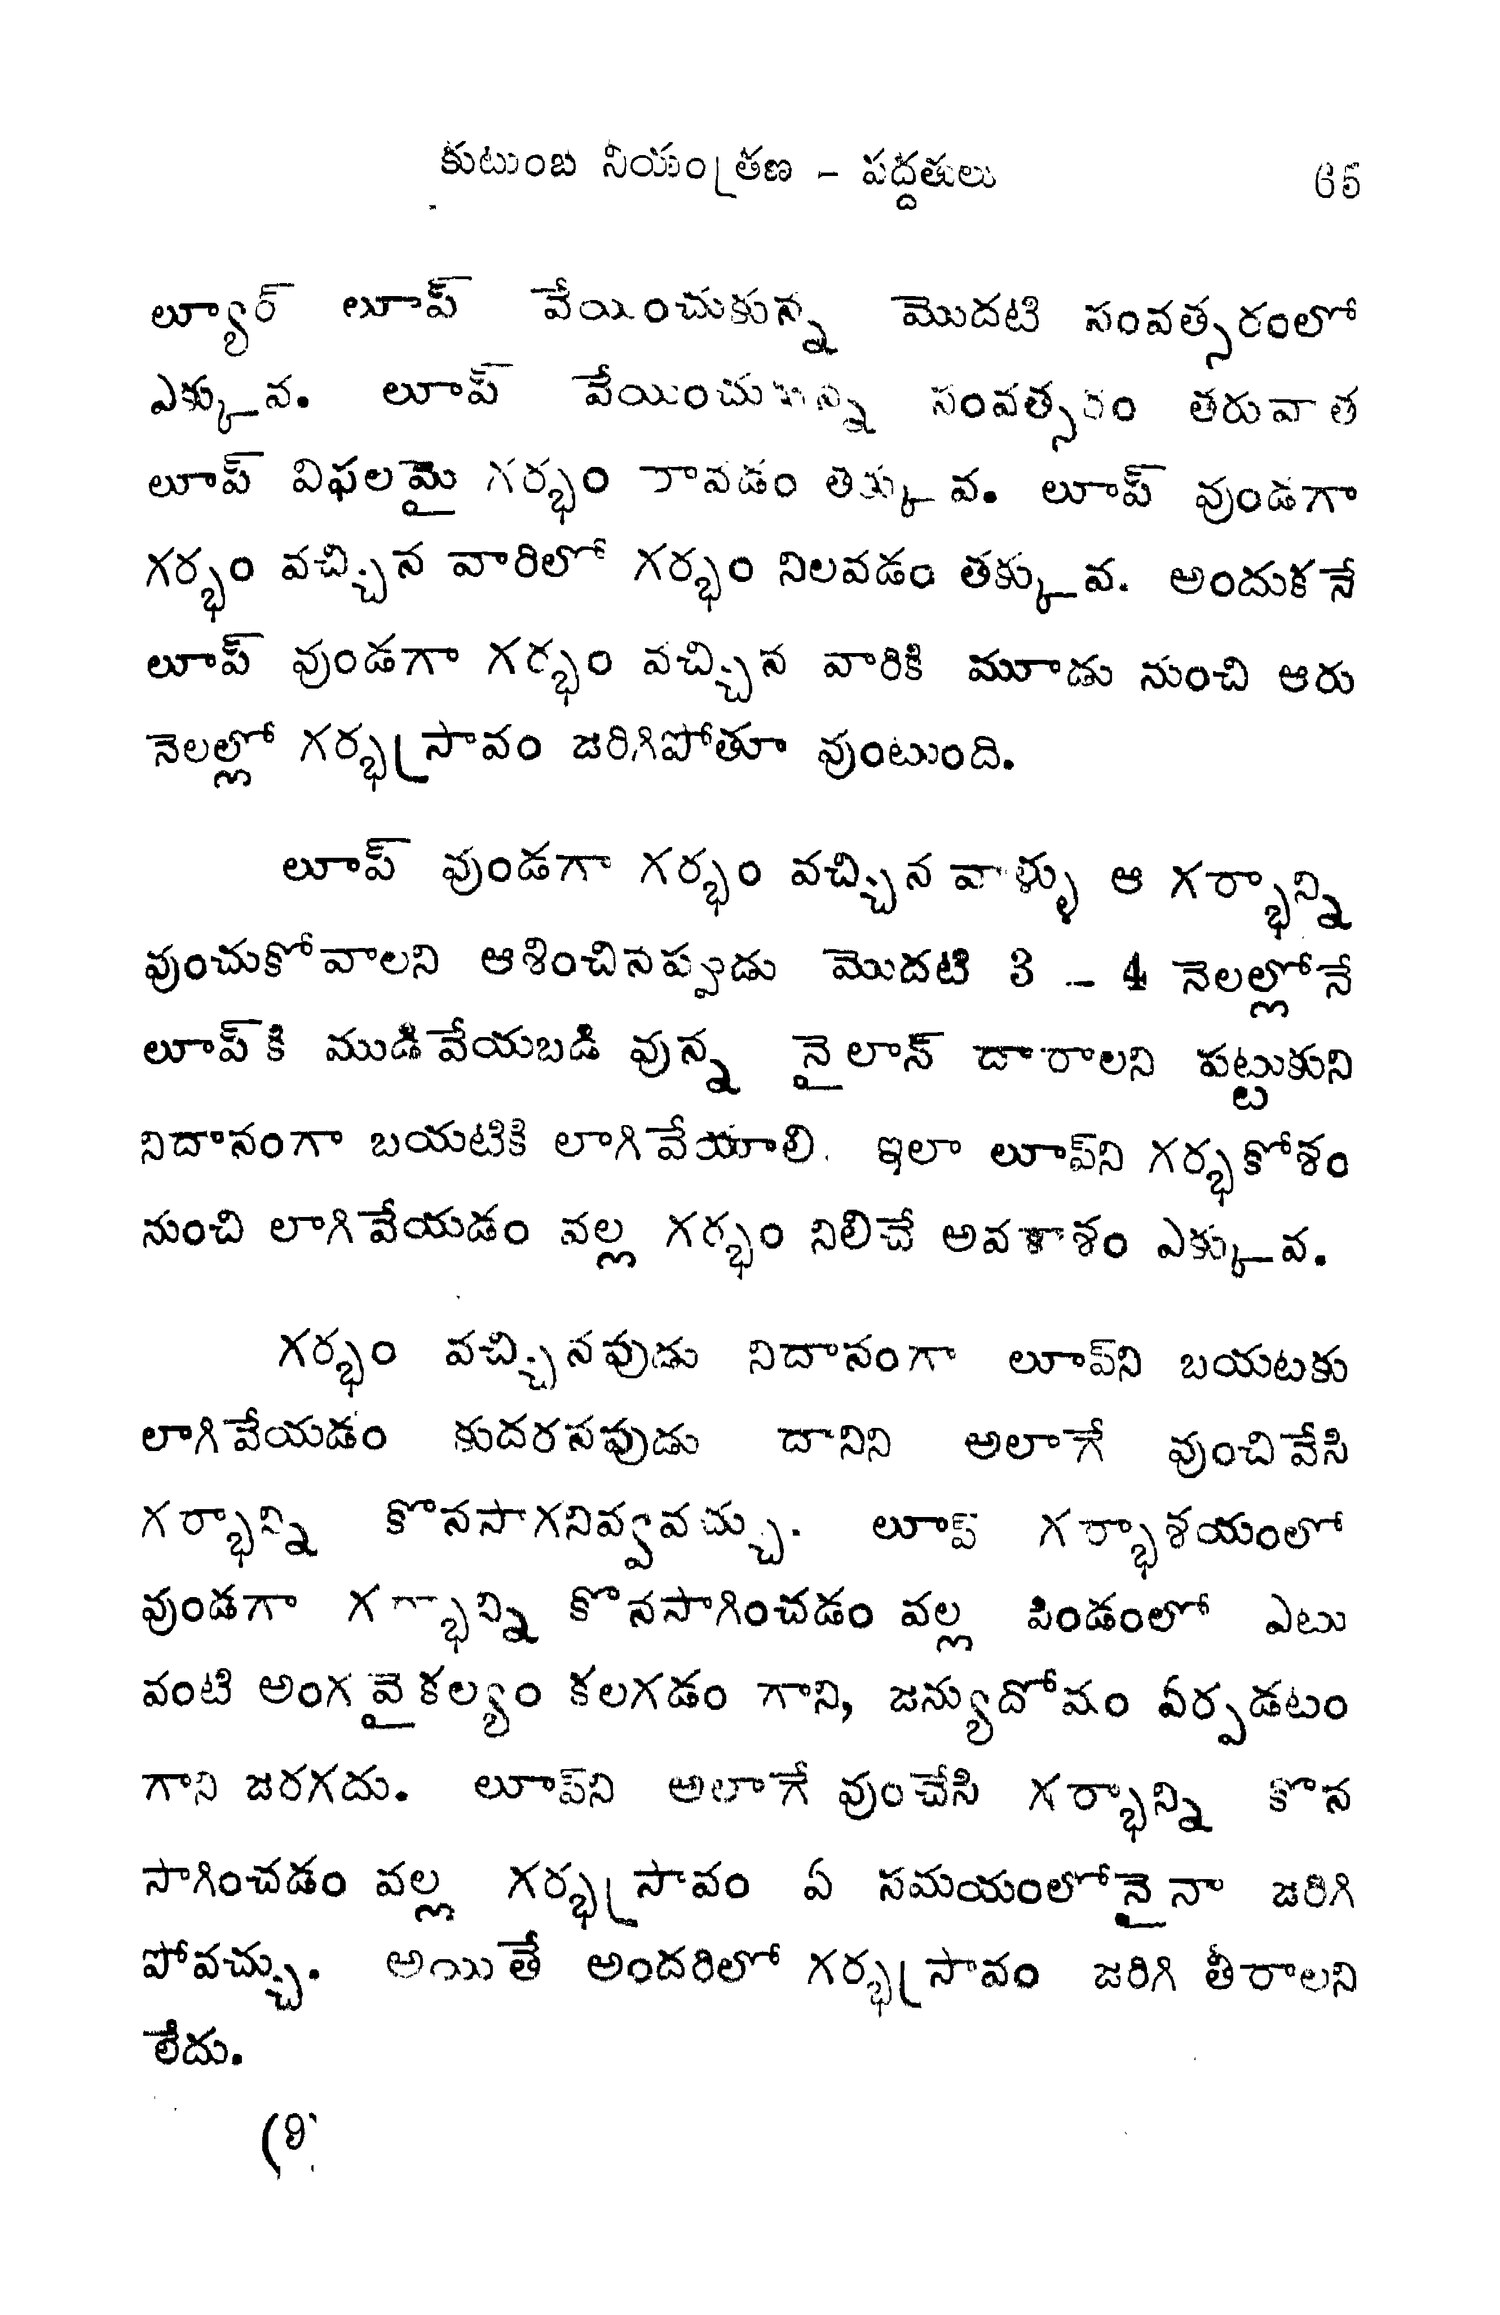ల్యూర్ లూప్ వేయించుకున్న మొదటి సంవత్సరంలో ఎక్కువ, లూప్ వేయించుకున్న సంవత్సరం తరువాత లూప్ పిఫలమై గర్భం రావడం తక్కువ. లూప్ వుండగా గర్భం వచ్చిన వారిలో గర్భం నిలవడం తక్కువ. అందుకనే లూప్ వుండగా గర్భం వచ్చిన వారికి మూడు నుంచి ఆరు నెలల్లో గర్బస్రావం జరిగిపోతూ వుంటుంది.

లూప్ వుండగా గర్భం వచ్చినవాళ్ళు ఆ గర్బాన్ని వుంచుకోవాలని ఆశించినప్పుడు మొదటి 3-4 నెలల్లోనే లూప్‌కి ముడివేయబడి వున్న నైలాన్ దారాలని పట్టుకుని నిదానంగా బయటికి లాగివేయాలి ఇలా లూప్‌ని గర్భకోశం నుంచి లాగివేయడం వల్ల గర్భం నిలిచే అవకాశం ఎక్కువ.

గర్భం వచ్చినప్పుడు నిదానంగా లూప్‌ని బయటకు లాగివేయడం కుదరనపుడు దానిని అలాగే వుంచివేసి గర్భాన్ని కొనసాగనివ్వవచ్చు. లూప్ గర్భాశయంలో వుండగా గర్భాన్ని కొనసాగించడం వల్ల పిండంలో ఎటువంటి అంగవైకల్యం కలగడం గాని, జన్యుదోషం ఏర్పడటం గాని జరగదు. లూప్‌ని అలాగే వుంచేసి గర్బాన్ని కొనసాగించడం వల్ల గర్బస్రావం ఏ సమయంలోనైనా జరిగి పోవచ్చు. అయితే అందరిలో గర్భస్రావం జరిగి తీరాలని లేదు.